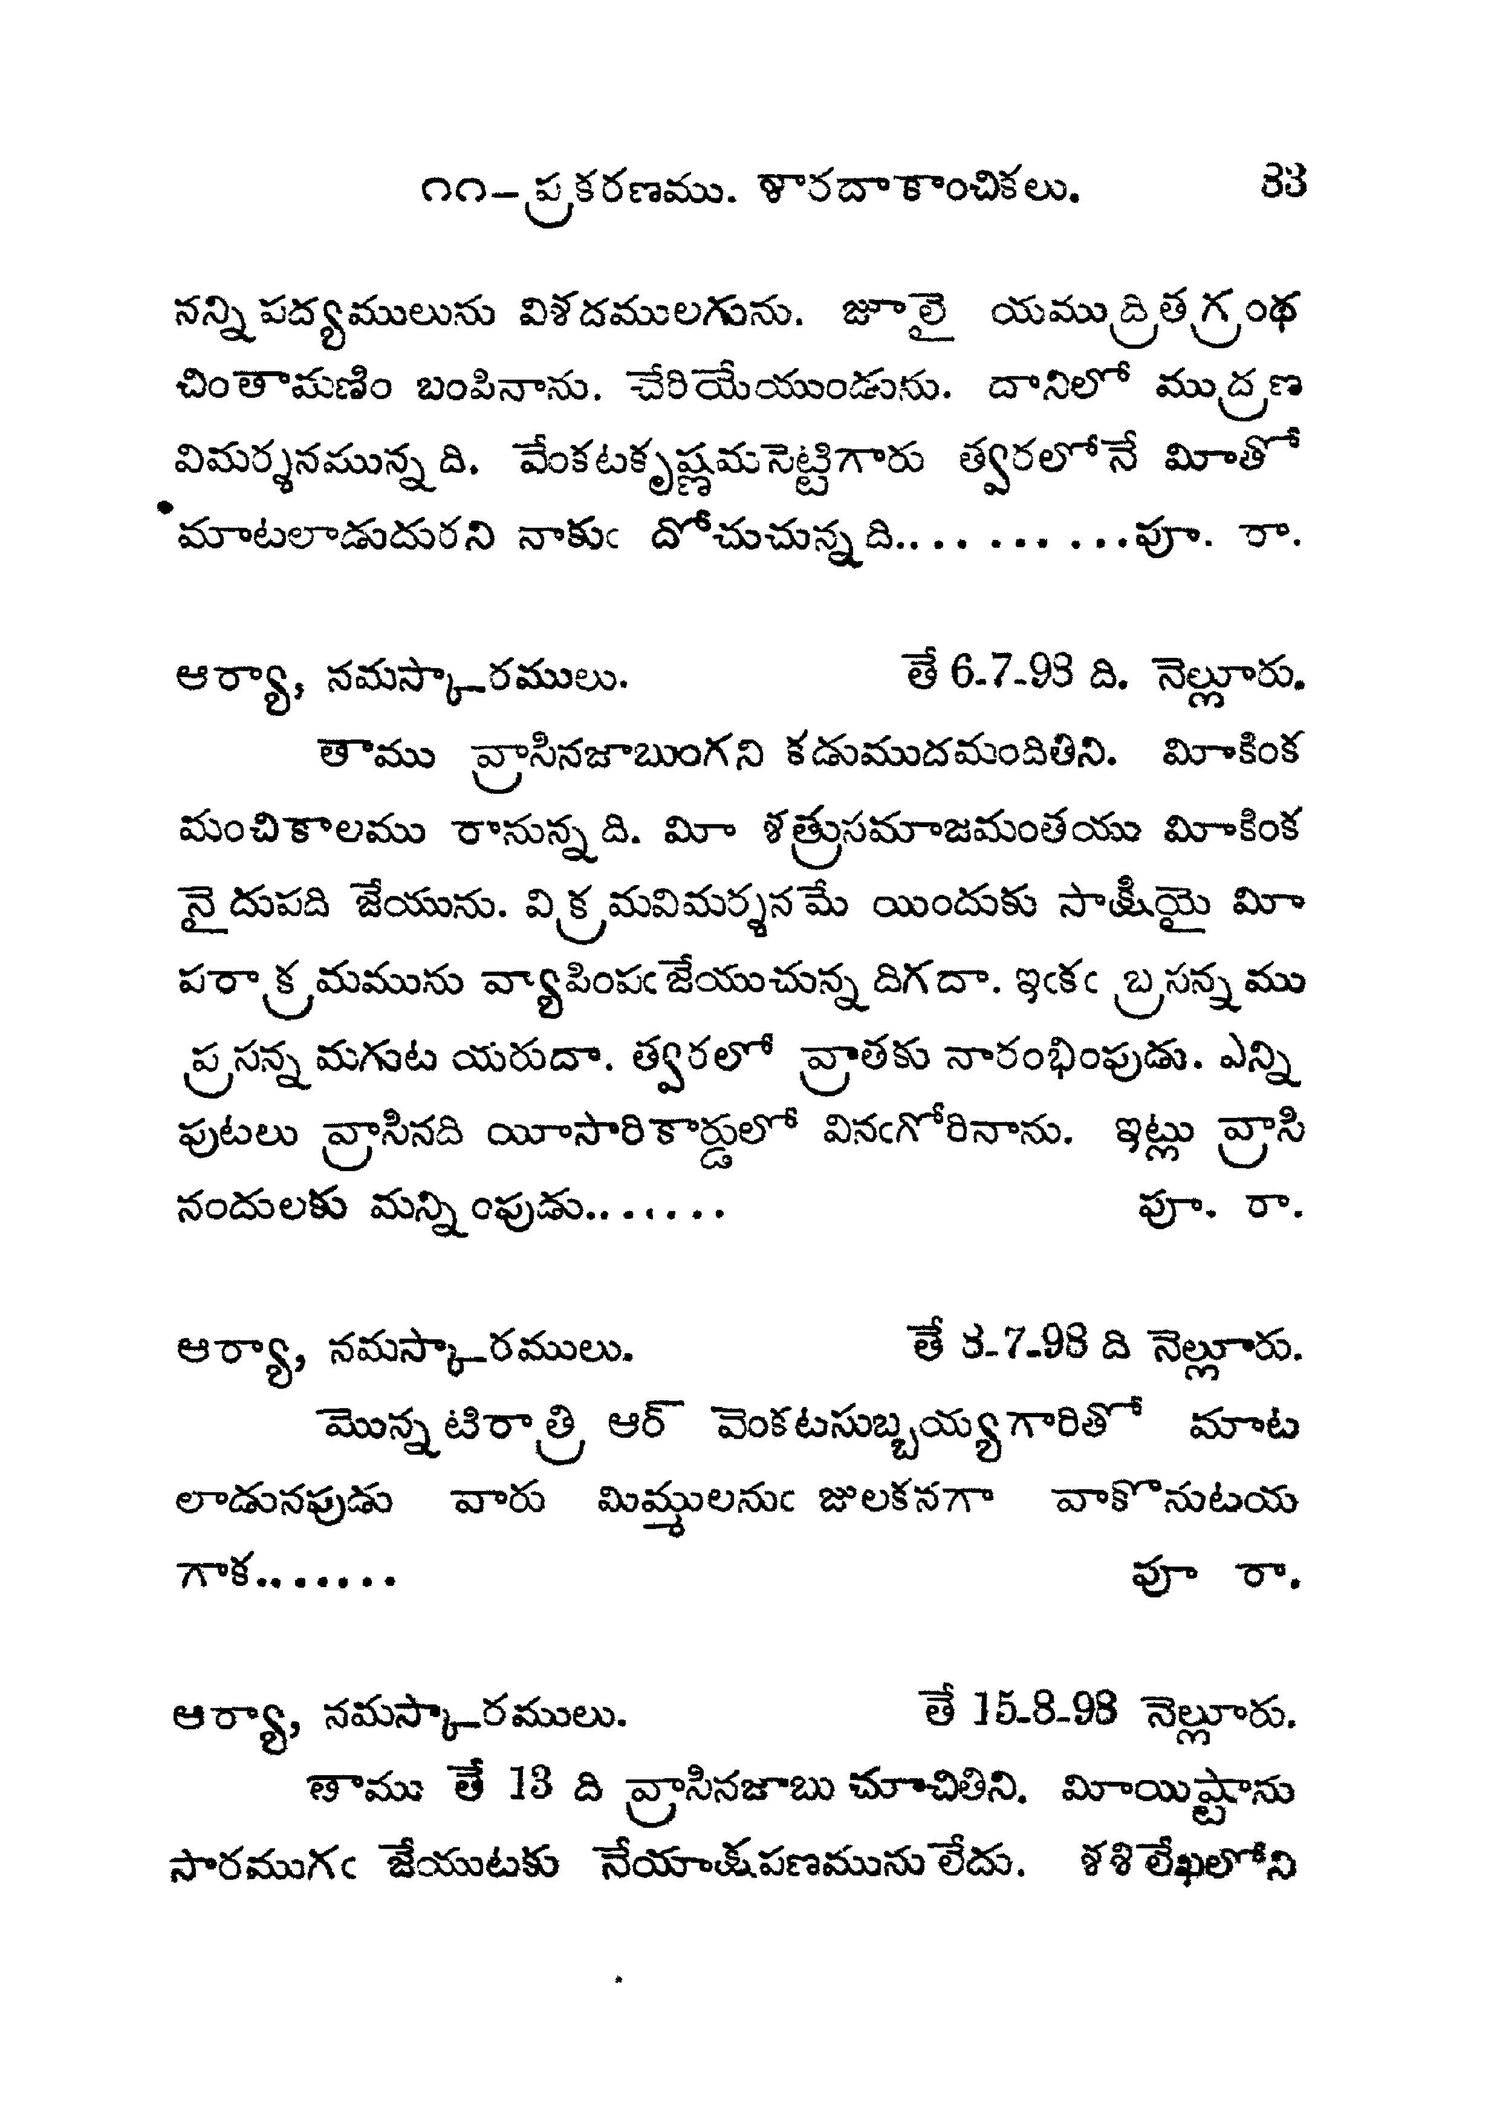నన్ని పద్యములును విశదములగును. జూలై యముద్రితగ్రంథచింతామణిం బంపినాను. చేరియేయుండును. దానిలో ముద్రణ విమర్శనమున్నది. వేంకటకృష్ణమసెట్టిగారు త్వరలోనే మీతో మాటలాడుదురని నాకు దోచుచున్నది.............
పూ. రా

తే 6-7-98 ది. నెల్లూరు.
ఆర్యా, నమస్కారములు.

తాము వ్రాసినజాబుంగని కడుముదమందితిని. మీకింక మంచికాలము రానున్నది. మీ శత్రుసమాజమంతయు మీకింక నైదుపది జేయును. విక్రమవిమర్శనమే యిందుకు సాక్షియై మీ పరాక్రమమును వ్యాపింపజేయుచున్నదిగదా. ఇక బ్రసన్నము ప్రసన్నమగుట యరుదా. త్వరలో వ్రాతకు నారంభింపుడు. ఎన్ని పుటలు వ్రాసినది యీసారికార్డులో వినగోరినాను. ఇట్లు వ్రాసినందులకు మన్నింపుడు........
పూ. రా.

తే 8-7-98 ది నెల్లూరు.
ఆర్యా, నమస్కారములు.

మొన్నటిరాత్రి ఆర్ వెంకటసుబ్బయ్యగారితో మాటలాడునపుడు వారు మిమ్ములను జులకనగా వాకొనుటయ గక.........
పూ. రా.

తే 15-8-98 నెల్లూరు.
ఆర్యా, నమస్కారములు.

తాము తే 13 ది వ్రాసినజాబు చూచితిని మీయిష్టానుసారముగ జేయుటకు నేయాక్షపణమును లేదు. శశిలేఖలోని